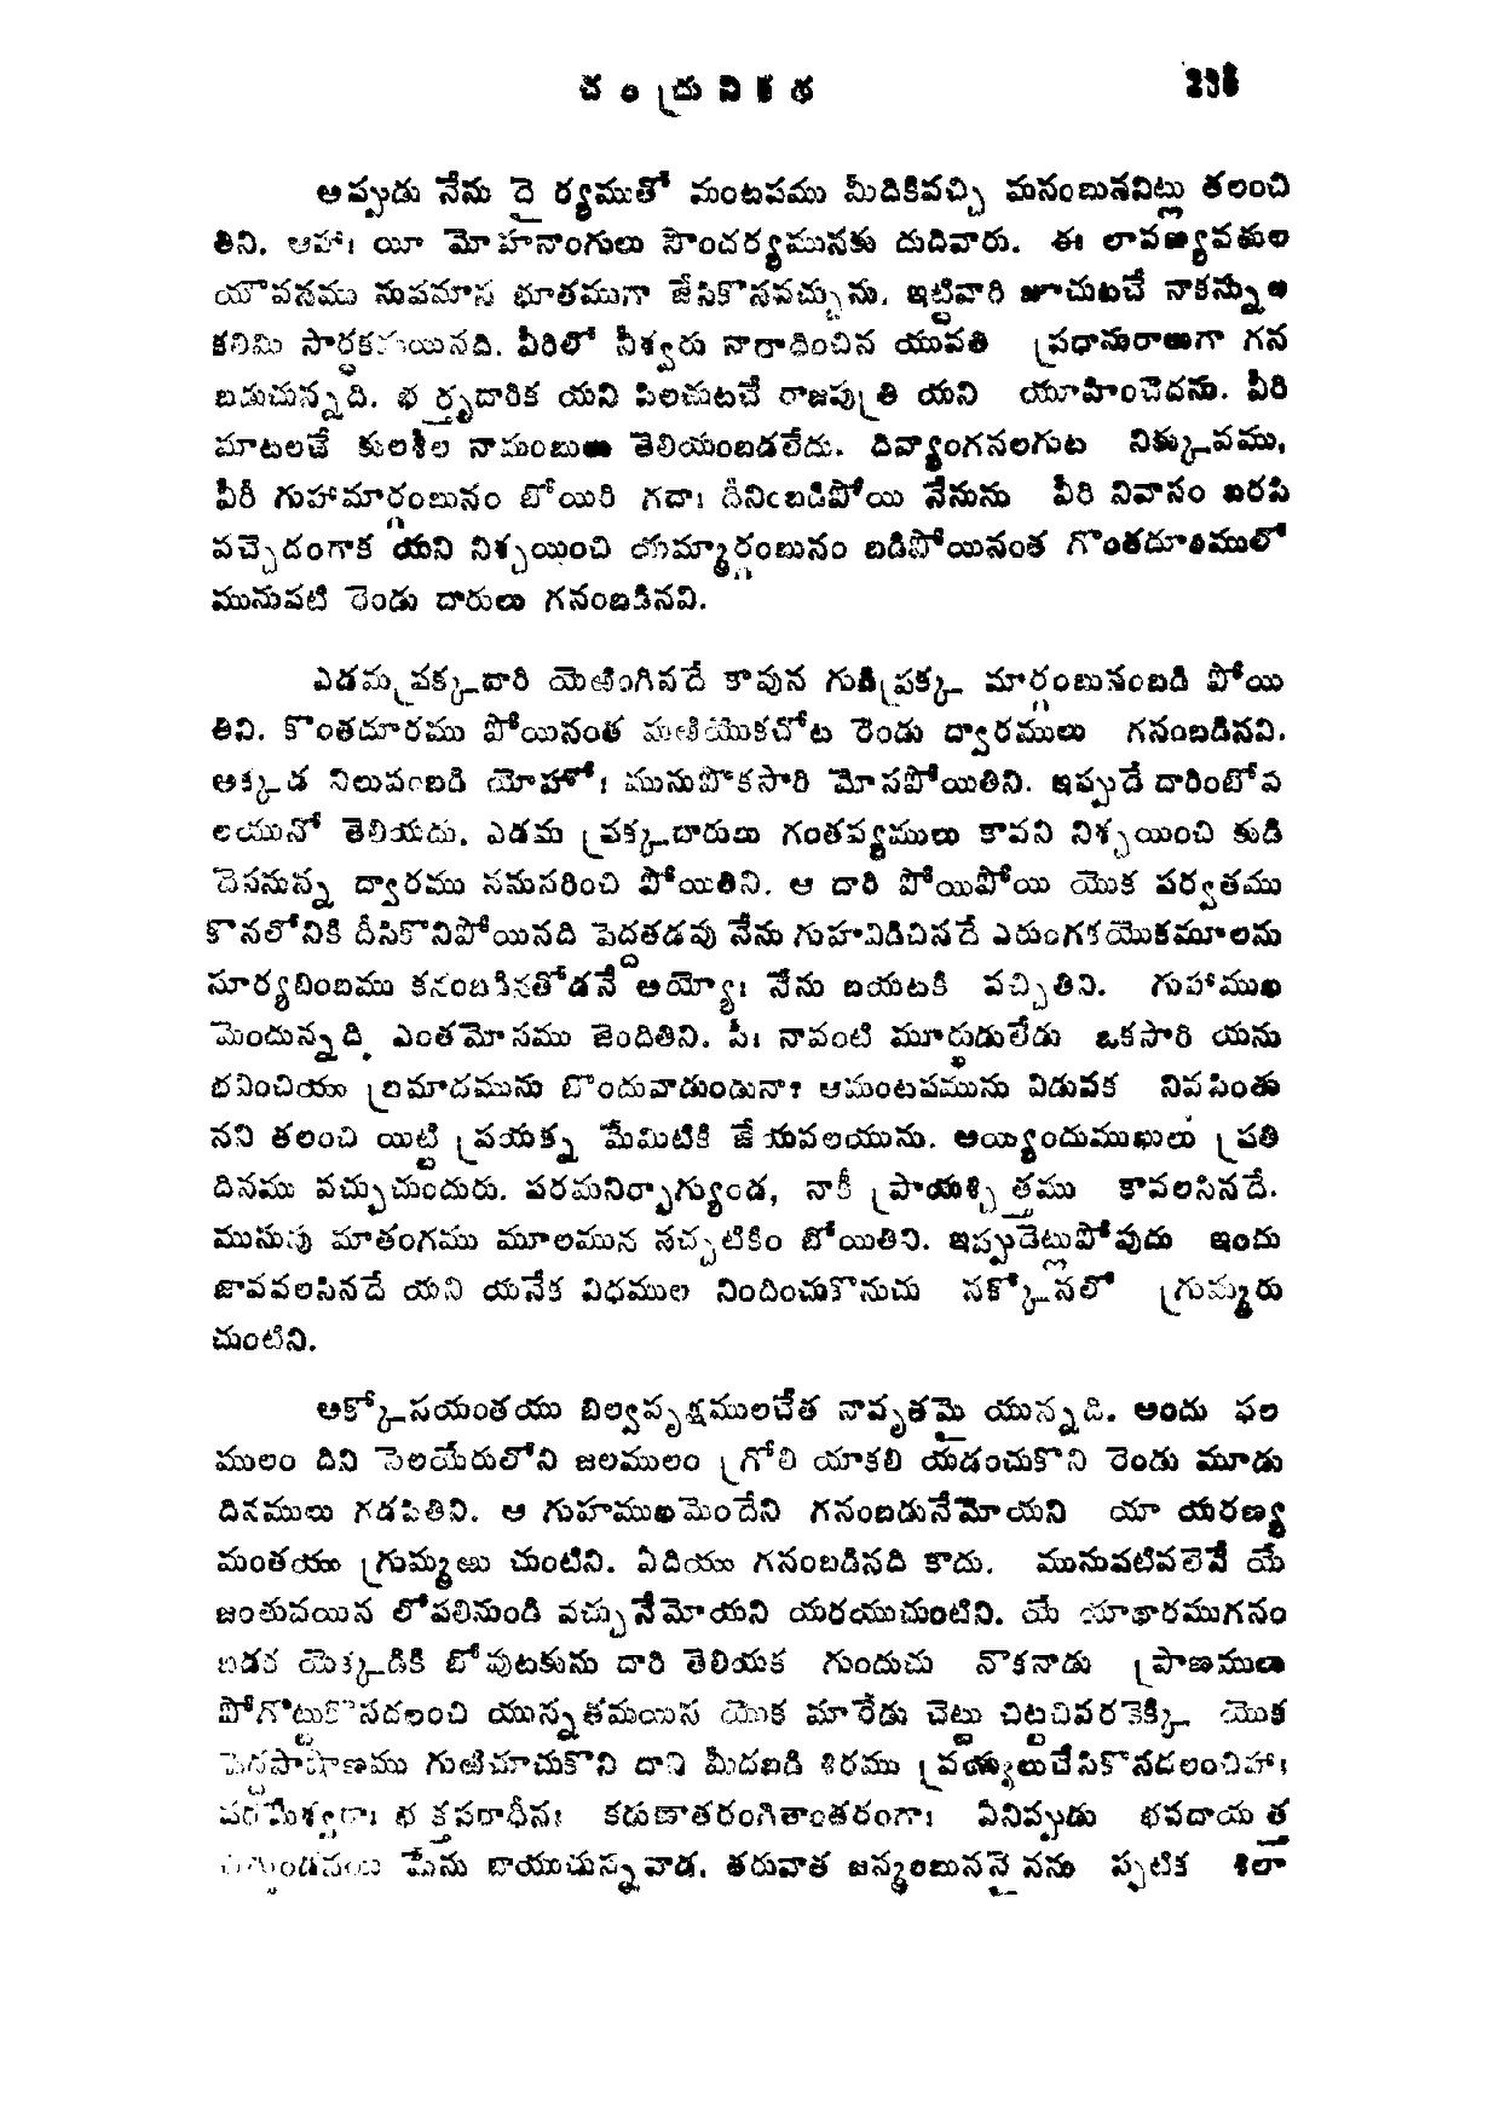అప్పుడు నేను దైర్యముతో మంటపము మీదికి వచ్చి మనంబున నిట్లు తలంచితిని. ఆహా! యీ మోహనాంగులు సౌందర్యమునకు దుదివారు. ఈ లావణ్యవతుల యౌవనము సుపమానభూతముగా జేసికొనవచ్చును. ఇట్టివారి జూచుటచే నాకన్నుల కలిమి సార్థకమయినది. వీరిలో నీశ్వరు నారాధించిన యువతి ప్రధానురాలుగా గనబడుచున్నది. భర్తృదారిక యని పిలచుటచే రాజపుత్రి యని యూహించెదను. వీరి మాటలచే కులశీలనామంబులు తెలియంబడలేదు. దివ్యాంగనలగుట నిక్కువము. వీరీ గుహామార్గంబునం బోయిరి గదా! దీనిఁబడిపోయి నేనును వీరి నివాసం బరసి వచ్చెదంగాక యని నిశ్చయించి యమ్మార్గంబునం బడిపోయినంత గొంతదూరములో మునుపటి రెండు దారులు గనంబడినవి.

ఎడమప్రక్కదారి యెఱింగినదే కావున గుడిప్రక్క మార్గంబునంబడి పోయితిని. కొంతదూరము పోయినంత మఱియొకచోట రెండు ద్వారములు గనంబడినవి. అక్కడ నిలువంబడి యోహో! మునుపొకసారి మోసపోయితిని. ఇప్పుడే దారింబోవలయునో తెలియదు. ఎడమ ప్రక్కదారులు గంతవ్యములు కావని నిశ్చయించి కుడి దెసనున్న ద్వారము ననుసరించి పోయితిని. ఆ దారి పోయిపోయి యొక పర్వతము కొనలోనికి దీసికొనిపోయినది పెద్దతడవు నేను గుహవిడిచినదే ఎరుంగక యొకమూలను సూర్యబింబము కనంబడినతోడనే అయ్యో! నేను బయటకి వచ్చితిని. గుహాముఖ మెందున్నది. ఎంతమోసము జెందితిని. సీ! నావంటి మూర్ఖుడులేడు. ఒకసారి యనుభవించియు బ్రమాదమును బొందువాడుండునా? ఆమంటపమును విడువక నివసింతునని తలంచి యిట్టి ప్రయత్న మేమిటికి జేయవలయును. అయ్యిందుముఖులు ప్రతిదినము వచ్చుచుందురు. పరమనిర్భాగ్యుండ, నాకీ ప్రాయశ్చిత్తము కావలసినదే. మునుపు మాతంగము మూలమున నచ్చటికిం బోయితిని. ఇప్పుడెట్లుపోవుదు ఇందు జావవలసినదే యని యనేక విధముల నిందించుకొనుచు నక్కోనలో గ్రుమ్మరు చుంటిని.

అక్కోనయంతయు బిల్వవృక్షములచేత నావృతమై యున్నది. అందు ఫలములం దిని సెలయేరులోని జలములం గ్రోలి యాకలి యడంచుకొని రెండు మూడు దినములు గడపితిని. ఆ గుహముఖమెందేని గనంబడునేమోయని యా యరణ్య మంతయు గ్రుమ్మఱు చుంటిని. ఏదియు గనంబడినది కాదు. మునుపటివలెనే యే జంతుచయిన లోపలినుండి వచ్చునేమోయని యరయుచుంటిని. యే యాధారముగనంబడక యెక్కడికి బోవుటకును దారి తెలియక గుందుచు నొకనాడు ప్రాణములు పోగొట్టుకొనదలంచి యున్నతమయిన యొక మారేడు చెట్టు చిట్టచివరకెక్కి యొక పెద్దపాషాణము గుఱిచూచుకొని దాని మీదబడి శిరము వ్రయ్యలుచేసికొనదలంచిహా! పరమేశ్వరా! భక్తపరాధీన! కరుణాతరంగితాంతరంగా ఏనిప్పుడు భవదాయత్తదత్తుండ నయి మేను బాయుచున్నవాడ. తరువాత జన్మంబుననైనను స్ఫటికశిలా